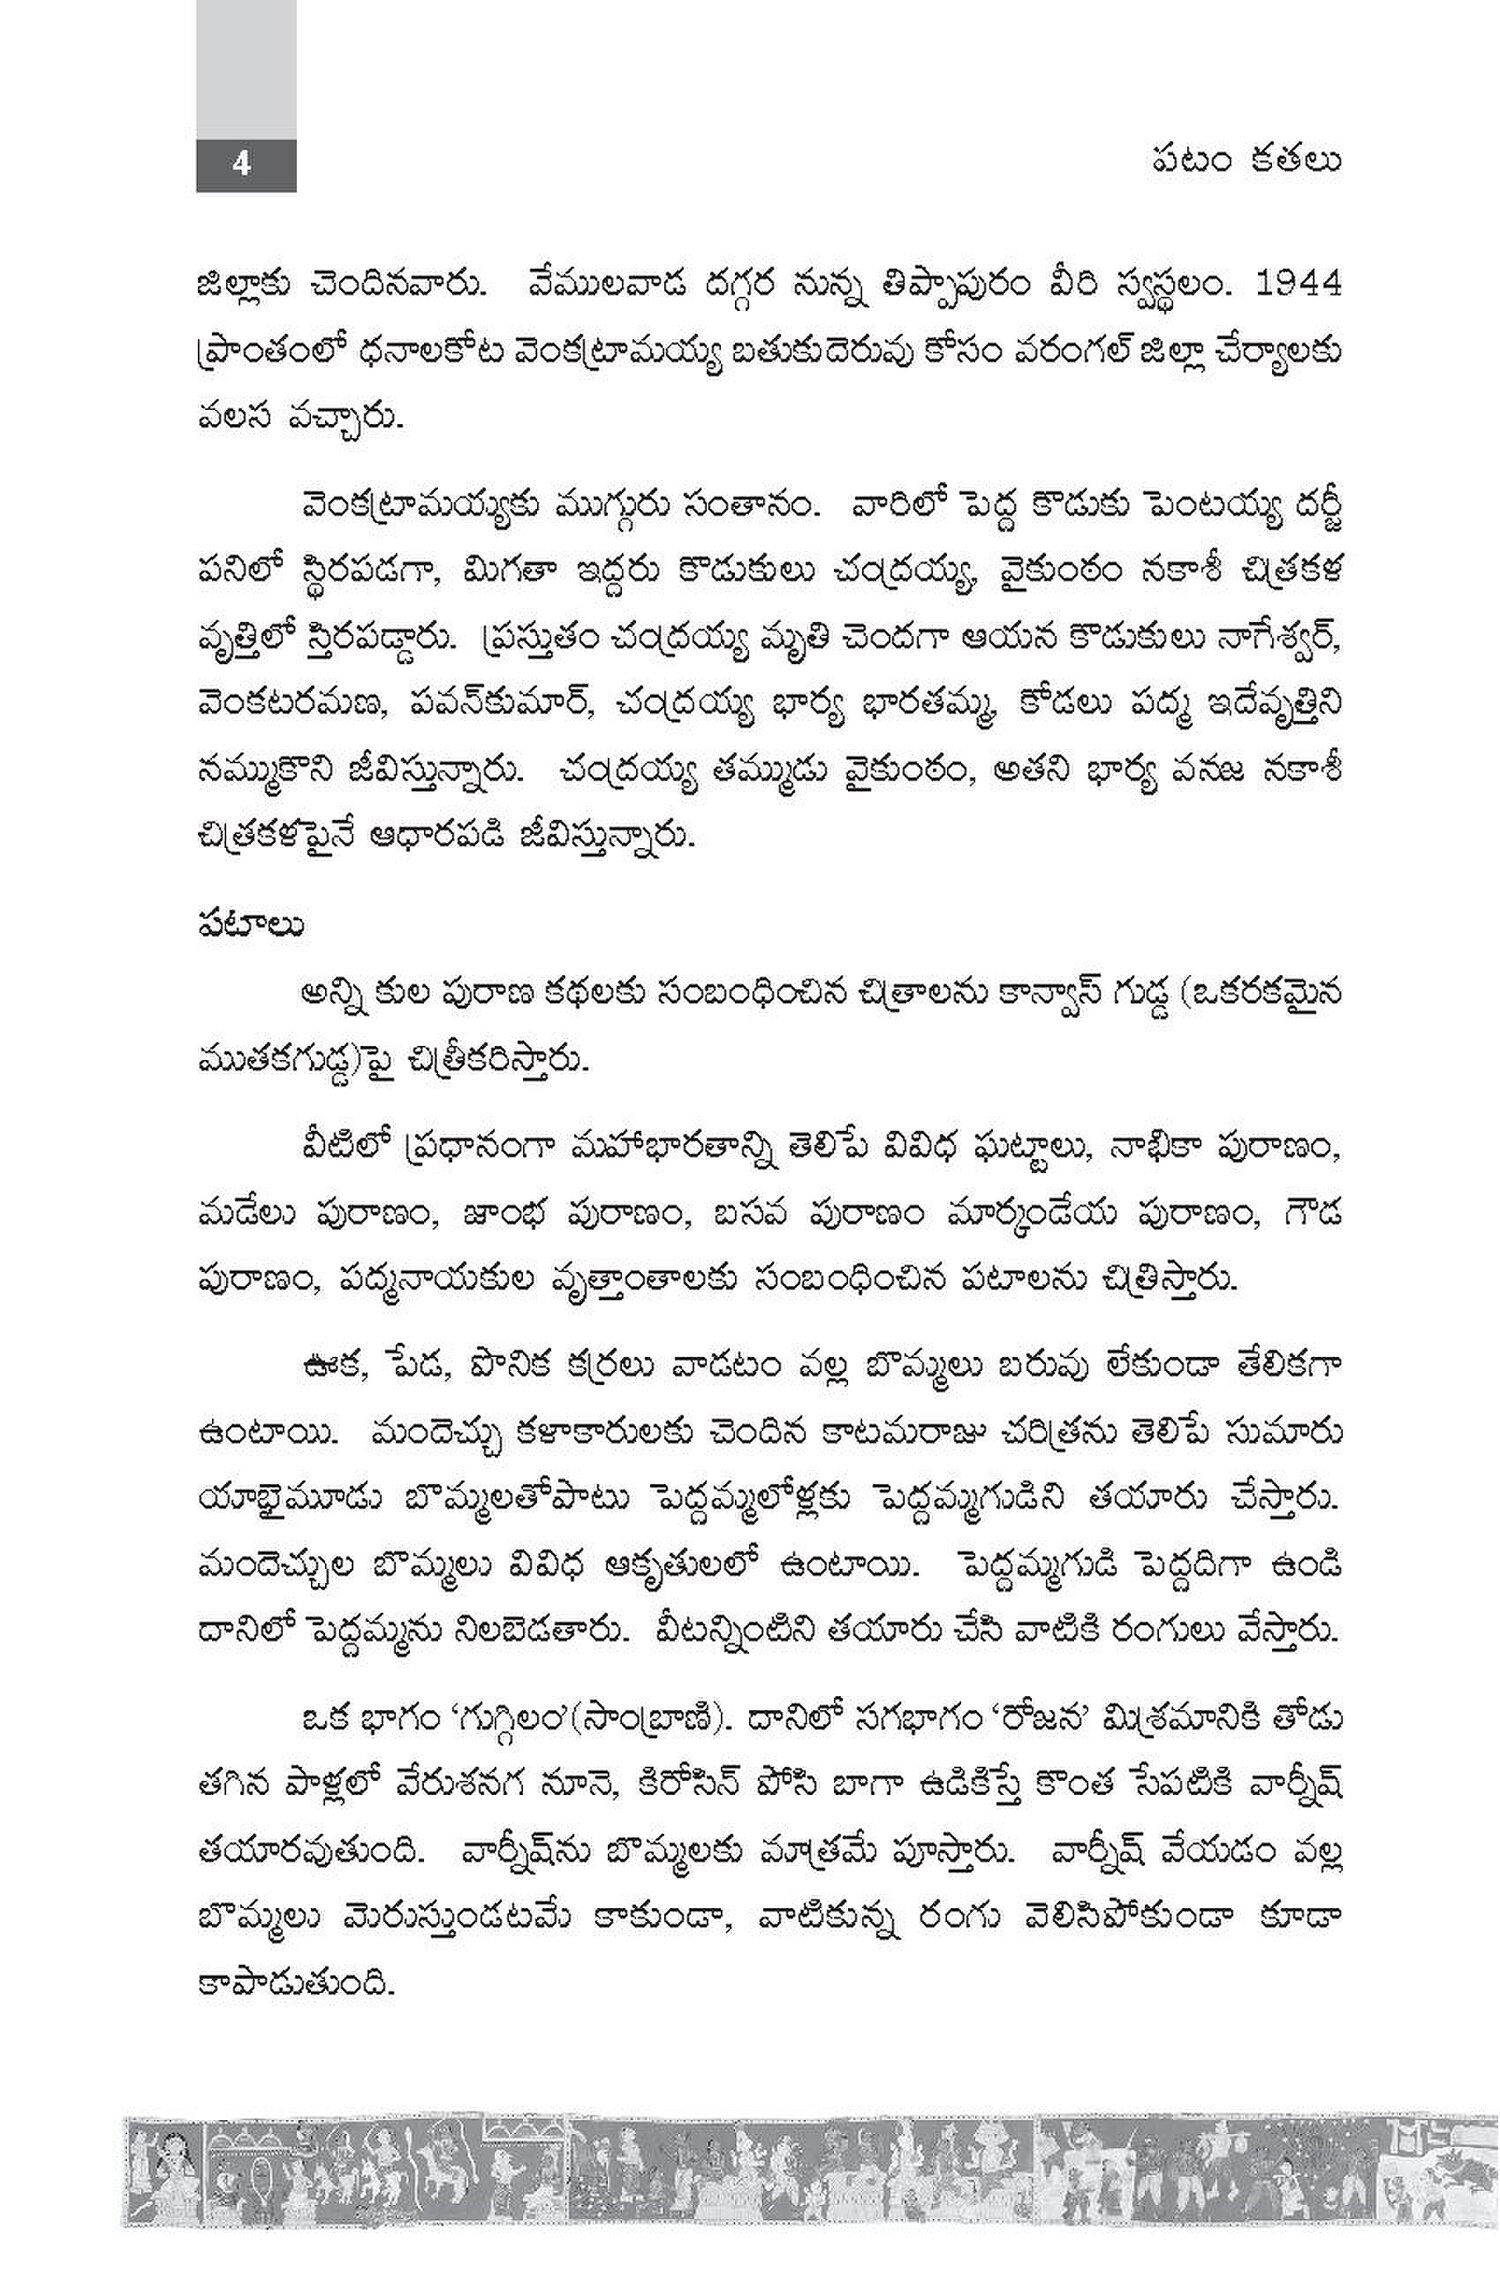జిల్లాకు చెందినవారు. వేములవాడ దగ్గర నున్న తిప్పాపురం వీరి స్వస్థలం. 1944 ప్రాంతంలో ధనాలకోట వెంకట్రామయ్య బతుకుదెరువు కోసం వరంగల్ జిల్లా చేర్యాలకు వలస వచ్చారు.

వెంకట్రామయ్యకు ముగ్గురు సంతానం. వారిలో పెద్ద కొడుకు పెంటయ్య దర్జీ పనిలో స్థిరపడగా, మిగతా ఇద్దరు కొడుకులు చంద్రయ్య, వైకుంఠం నకాశీ చిత్రకళ వృత్తిలో స్తిరపడ్డారు. ప్రస్తుతం చంద్రయ్య మృతి చెందగా ఆయన కొడుకులు నాగేశ్వర్, వెంకటరమణ, పవన్ కుమార్, చంద్రయ్య భార్య భారతమ్మ, కోడలు పద్మ ఇదేవృత్తిని నమ్ముకొని జీవిస్తున్నారు. చంద్రయ్య తమ్ముడు వైకుంఠం, అతని భార్య వనజ నకాశీ చిత్రకళపైనే ఆధారపడి జీవిస్తున్నారు.

పటాలు 

అన్ని కుల పురాణ కథలకు సంబంధించిన చిత్రాలను కాన్వాస్ గుడ్డ (ఒకరకమైన ముతకగుడ్డ)పై చిత్రీకరిస్తారు.

వీటిలో ప్రధానంగా మహాభారతాన్ని తెలిపే వివిధ ఘట్టాలు, నాభికా పురాణం, మడేలు పురాణం, జంభ పురాణం, బసవ పురాణం మార్కండేయ పురాణం, గౌడ పురాణం, పద్మనాయకుల వృత్తాంతాలకు సంబంధించిన పటాలను చిత్రిస్తారు.

ఊక, పేడ, పొనిక కర్రలు వాడటం వల్ల బొమ్మలు బరువు లేకుండా తేలికగా ఉంటాయి. మందెచ్చు కళాకారులకు చెందిన కాటమరాజు చరిత్రను తెలిపే సుమారు యాభైమూడు బొమ్మలతోపాటు పెద్దమ్మలోళ్లకు పెద్దమ్మ గుడిని తయారు చేస్తారు. మందెచ్చుల బొమ్మలు వివిధ ఆకృతులలో ఉంటాయి. పెద్దమ్మగుడి పెద్దదిగా ఉండి దానిలో పెద్దమ్మను నిలబెడతారు. వీటన్నింటిని తయారు చేసి వాటికి రంగులు వేస్తారు.

ఒక భాగం 'గుగ్గిలం' (సాంబ్రాణి). దానిలో సగభాగం 'రోజన' మిశ్రమానికి తోడు తగిన పాళ్లలో వేరుశనగ నూనె, కిరోసిన్ పోసి బాగా ఉడికిస్తే కొంత సేపటికి వార్నీష్ తయారవుతుంది. వార్నీష్ను బొమ్మలకు మాత్రమే పూస్తారు. వార్నీష్ వేయడం వల్ల బొమ్మలు మెరుస్తుండటమే కాకుండా, వాటికున్న రంగు వెలిసిపోకుండా కూడా కాపాడుతుంది.